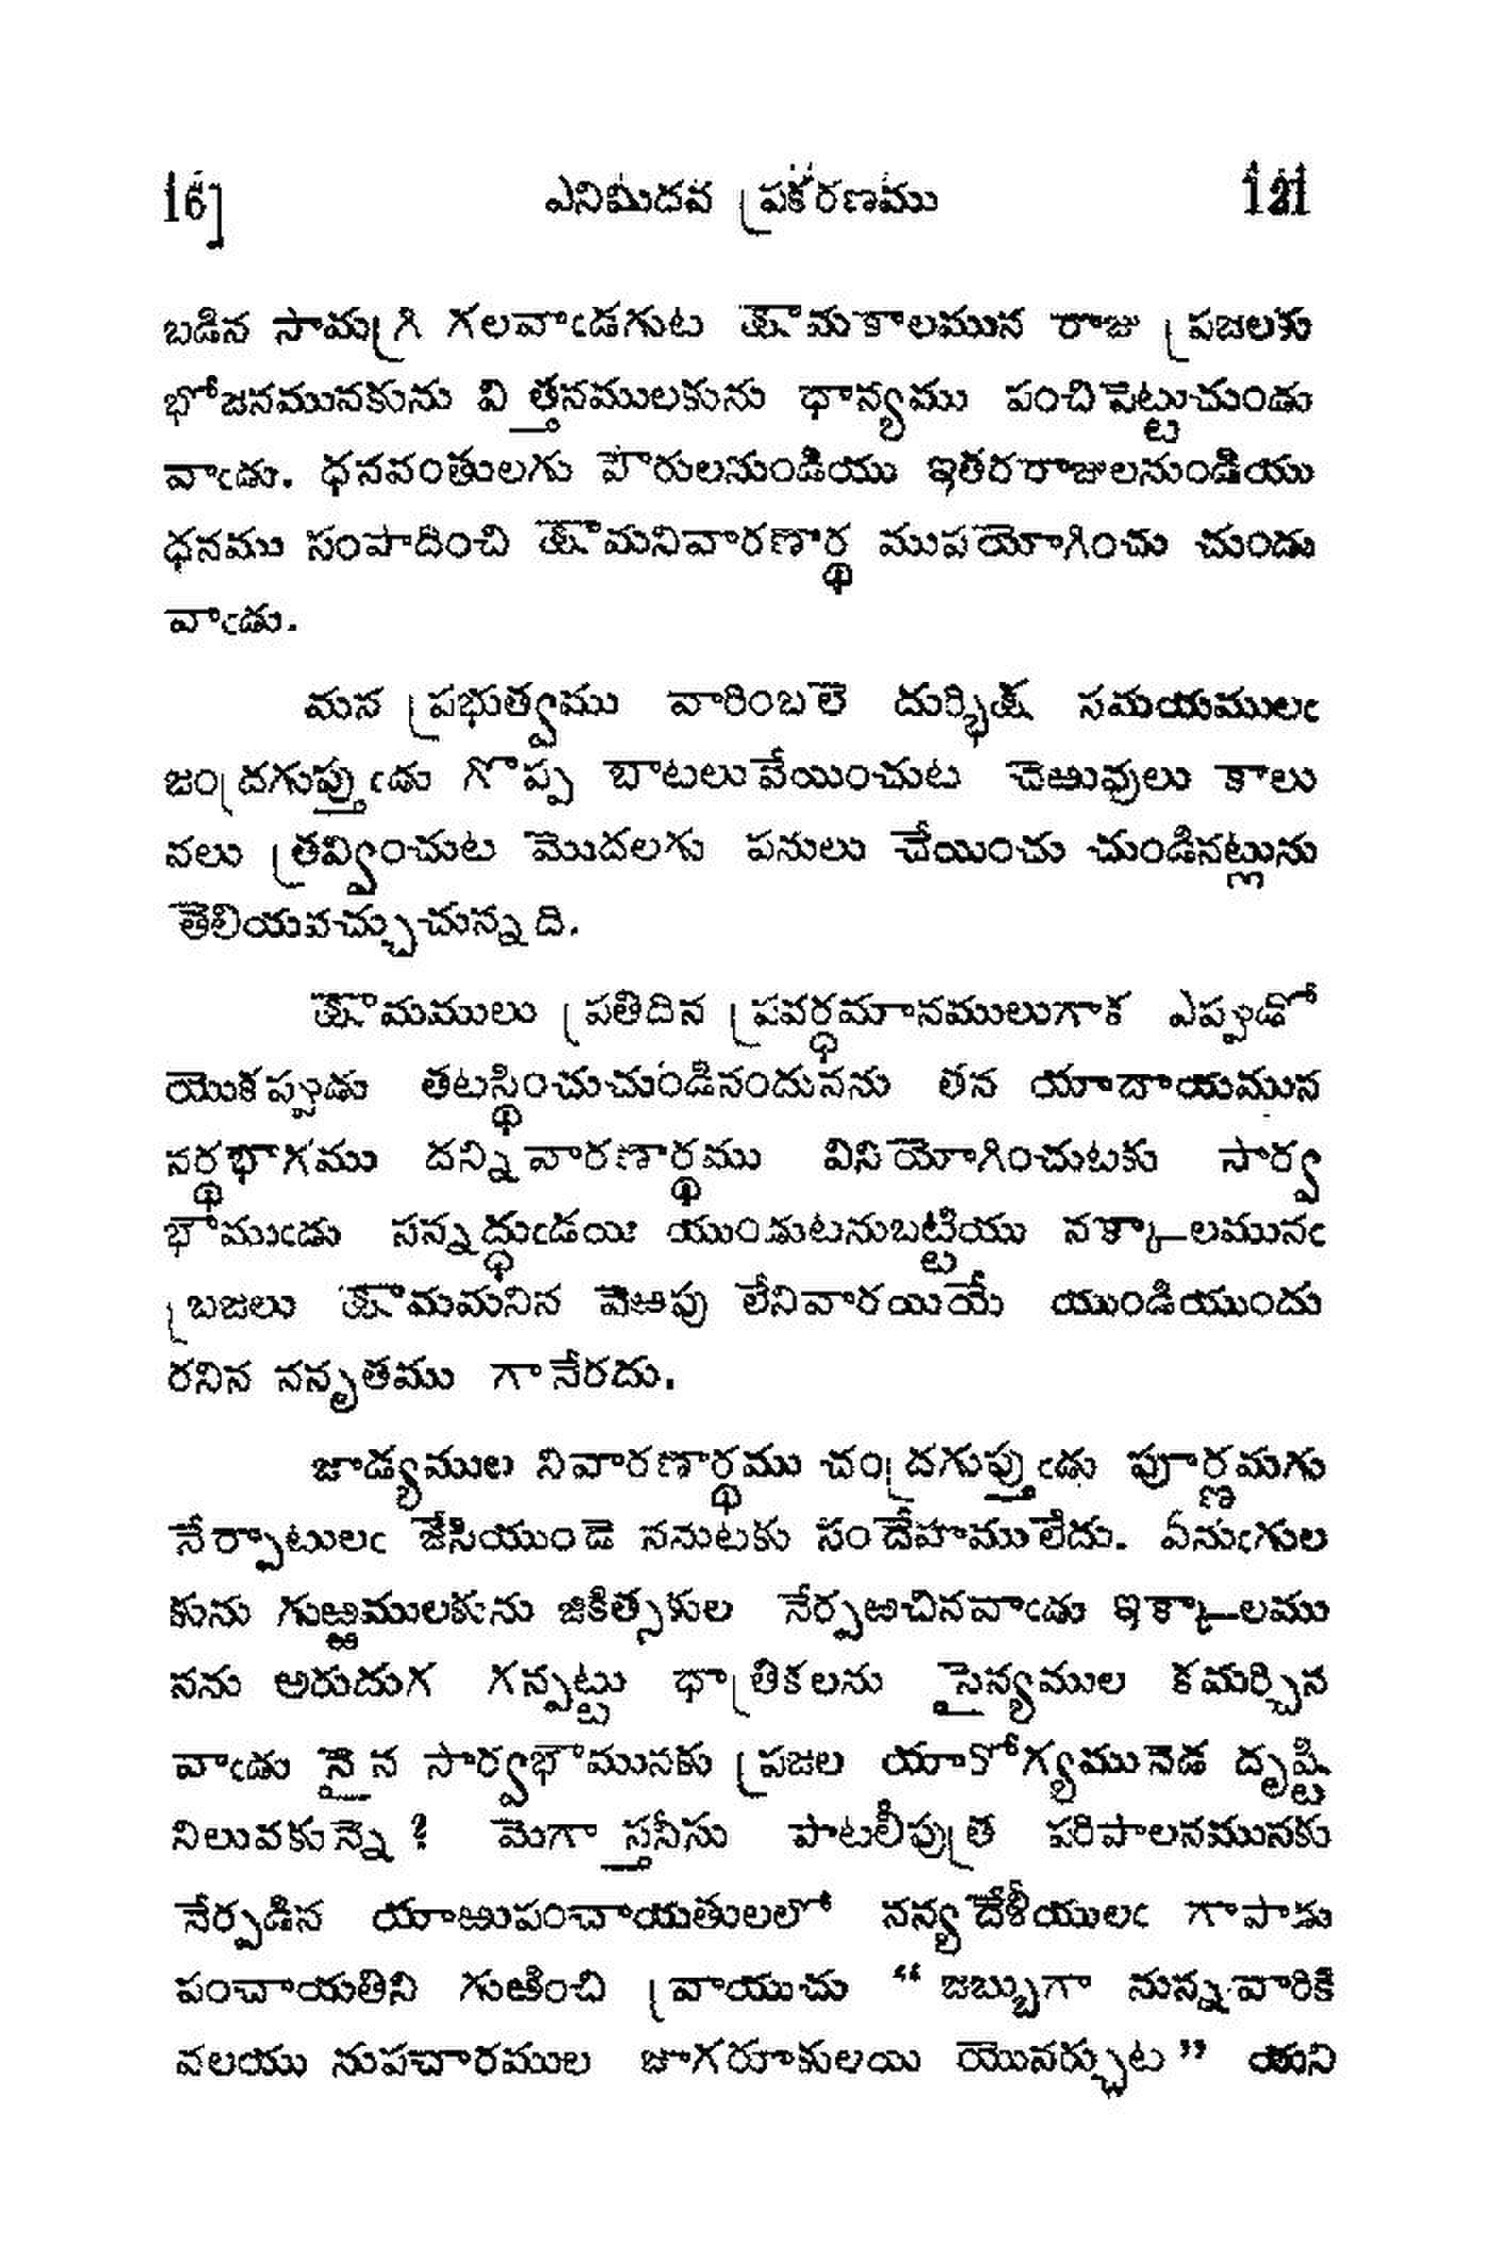బడిన సామగ్రి గలవాఁడగుట క్షామకాలమున రాజు ప్రజలకు భోజనమునకును విత్తనములకును ధాన్యము పంచిపెట్టుచుండు వాఁడు. ధనవంతులగు పౌరులనుండియు ఇతర రాజులనుండియు ధనము సంపాదించి క్షామనివారణార్థ ముపయోగించు చుండువాఁడు. 

మన ప్రభుత్వము వారింబలె దుర్భిక్ష సమయములఁ జంద్రగుప్తుఁడు గొప్ప బాటలు వేయించుట చెఱువులు కాలువలు త్రవ్వించుట మొదలగు పనులు చేయించు చుండినట్లును తెలియపచ్చుచున్న ది.

క్షామములు ప్రతిదిన ప్రవర్తమానములుగాక ఎప్పుడో యొకప్పుడు తటస్థించుచుండినందునను తన యాదాయమున నర్థదభాగము దన్నివారణార్థము వినియోగించుటకు సార్వభౌముఁడు సన్నద్ధుఁడయి యుండుటనుబట్టియు నక్కాలమునఁ బ్రజులు క్షామమనిన వెఱపు లేనివారయియే యుండియుందురనిన ననృతము గానేరదు.

జాడ్యముల నివారణార్ధము చంద్రగుప్తుఁడు పూర్ణమగు నేర్పాటులఁ జేసియుండె ననుటకు సందేహము లేదు. ఏనుఁగులకును గుఱ్ఱములకును జికిత్సకుల నేర్పఱచినవాఁడు ఇక్కాలమునను అరుదుగ గన్పట్టు ధాత్రికలను సైన్యముల కమర్చినవాఁడు నైన సార్వభౌమునకు ప్రజల యారోగ్యమునెడ దృష్టి నిలువకున్నె? మెగాస్తనీసు పాటలీపుత్ర పరిపాలనమునకు నేర్పడిన యాఱుపంచాయతులలో నన్యదేశీయులఁ గాపాడు పంచాయతిని గుఱించి వ్రాయుచు "జబ్బుగా నున్నవారికి వలయు నుపచారముల జూగరూకులయి యొనర్చుట” యని